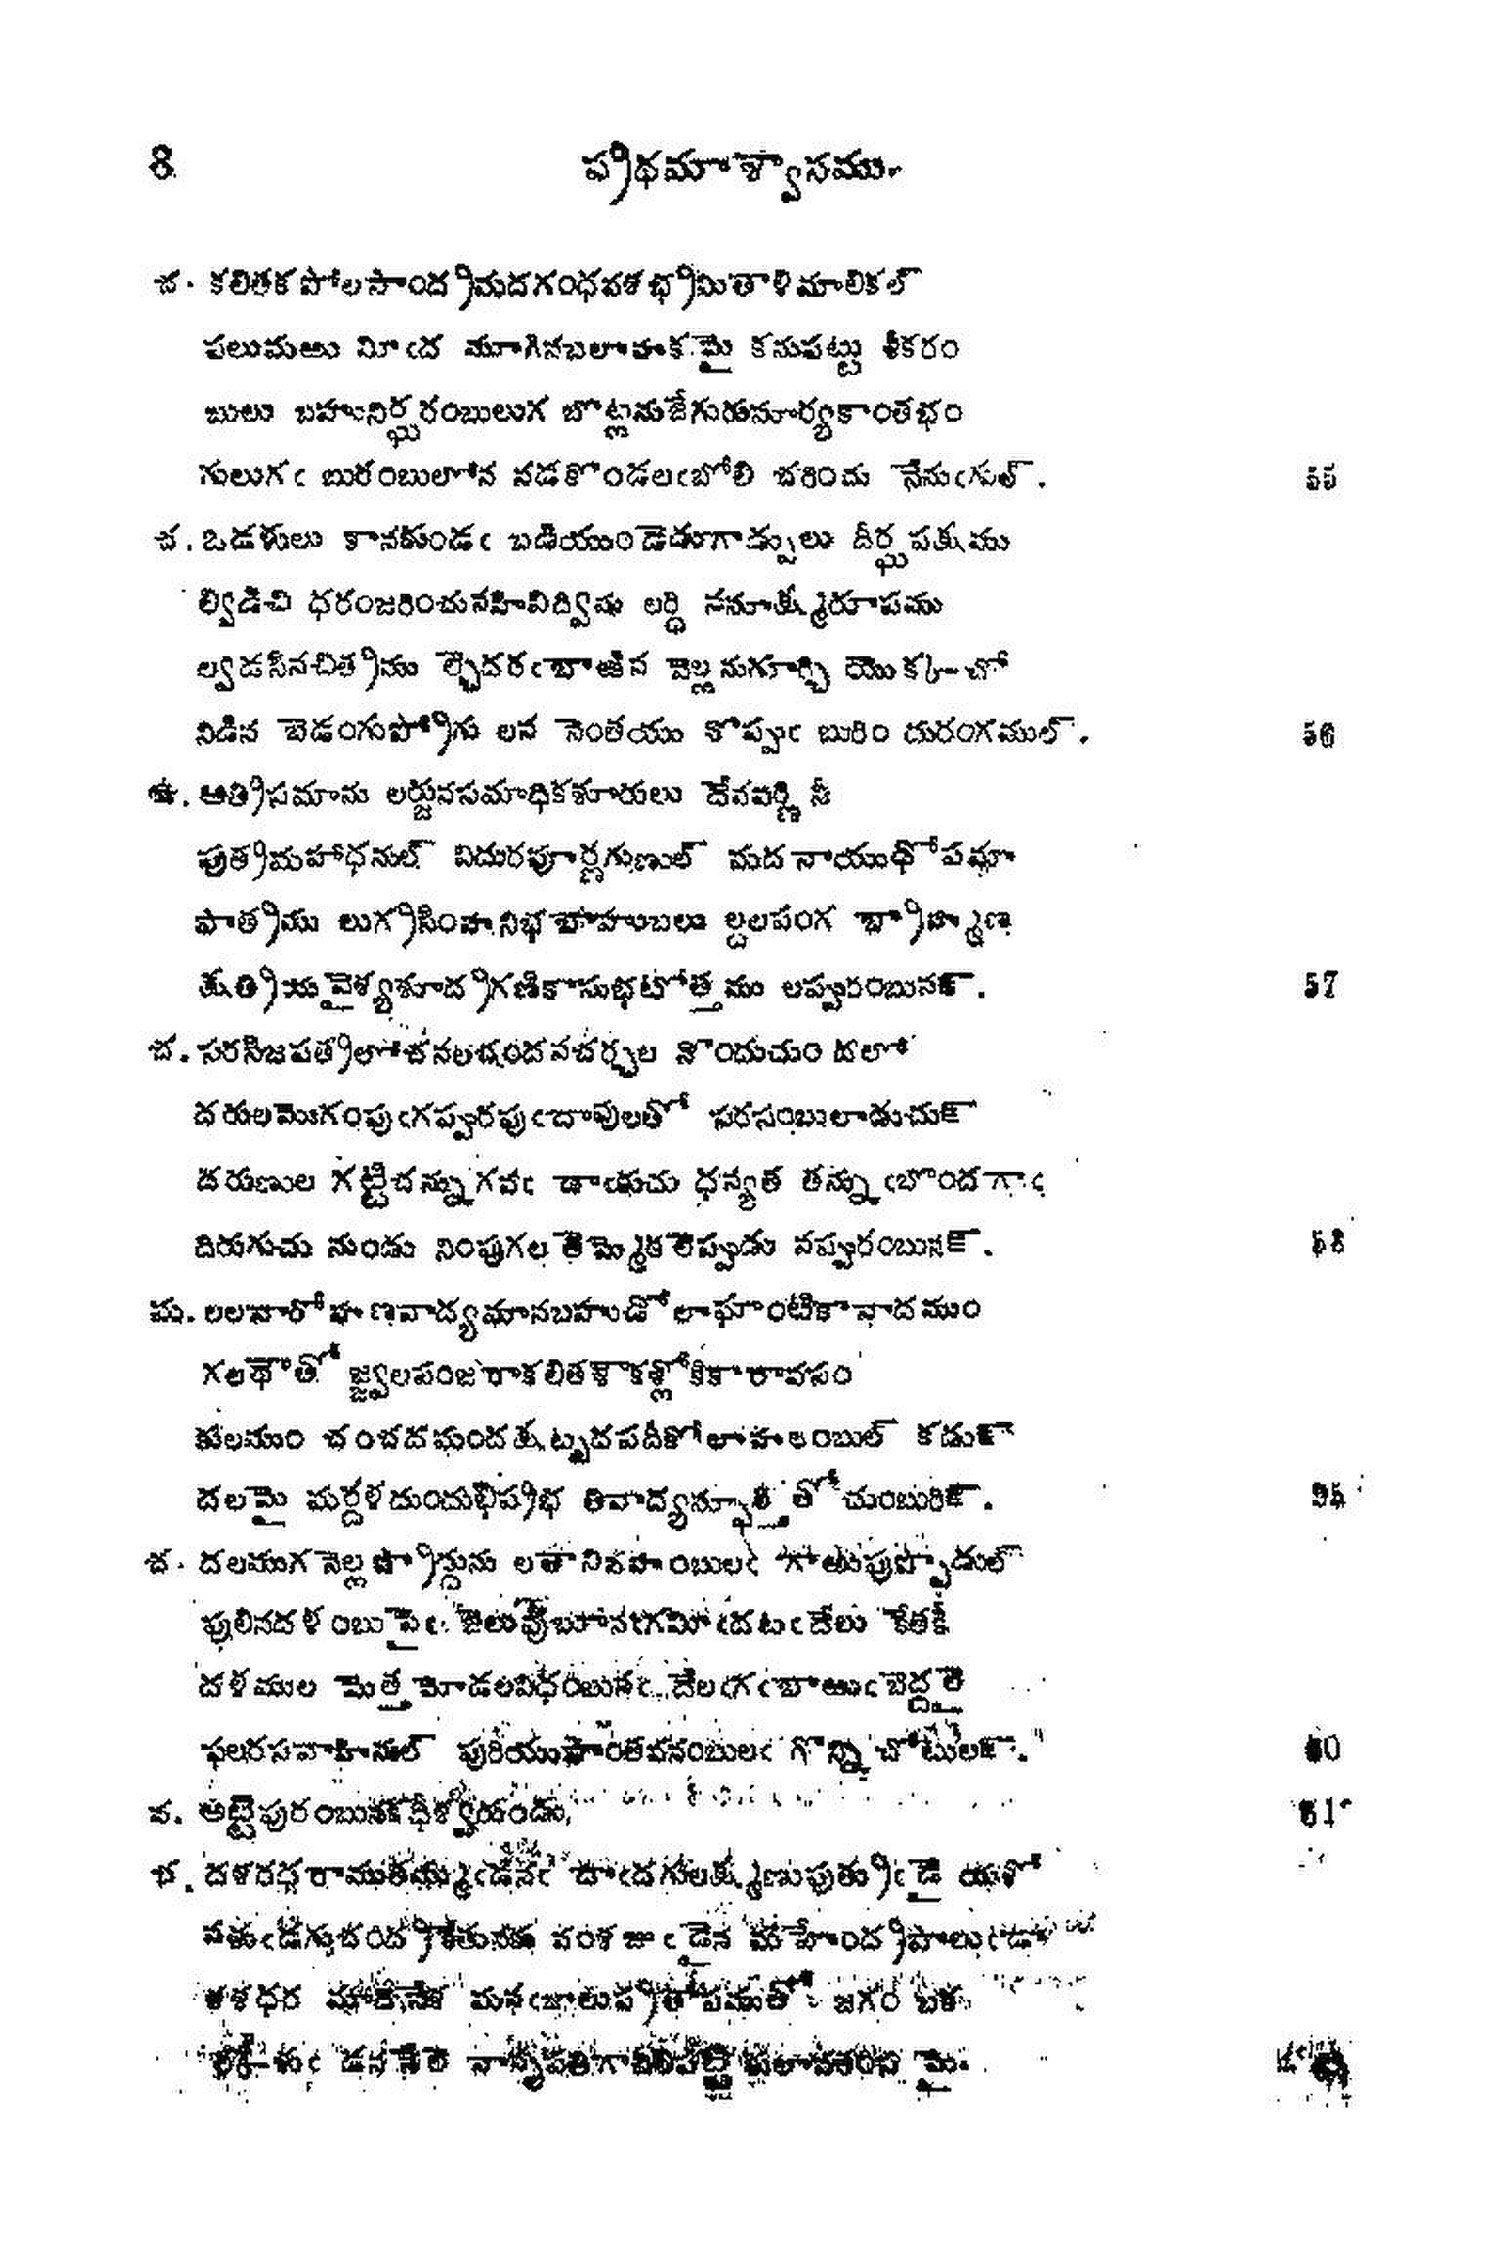చ. కలితకపోలసాంద్రమదగంధవశభ్రమితాళిమాలికల్
 పలుమఱు మీఁద మూగినబలాహకమై కనుపట్టు శీకరం
 బులు బహునిర్ఘరంబులుగ బొట్లనుజేగురుసూర్యకాంతభం
 గులుగఁ బురంబులోన నడకొండలఁబోలి చరించు నేనుఁగుల్.
చ. ఒడళులు కానకుండఁ బడియుండెడుగాడ్పులు దీర్ఘపక్షము
 ల్విడిచి ధరంజరించునహివిద్విషు లర్థి ననూక్ష్మరూపము
 ల్వడసినచిత్రము ల్చెదరఁబాఱిన వెల్లనుగూర్చి యొక్కచో
 నిడిన బెడంగుప్రోగు లన నెంతయు నొప్పుఁ బురిం దురంగముల్.
ఉ. అత్రిసమాను లర్జునసమాధికశూరులు దేవవర్ణినీ
 పుత్రమహాధనుల్ విదురపూర్ణగుణుల్ మదనాయుధోపమా
 పాత్రము లుగ్రసింహనిభబాహుబలు ల్దలపంగ జాహ్మణ
 క్షత్రియవైశ్యశూద్రగణికాసుభటోత్తము లప్పురంబునన్.
చ. సరసిజపత్రలోచనలచందనచర్చల నొందుచుం దలో
 దరులమొగంపుఁగప్పురపుఁదావులతో సరసంబు లాడుచున్
 దరుణుల గట్టిచన్నుగవఁ దాఁకుచు ధన్యత తన్నుఁ బొందగాఁ
 దిరుగుచు నుండు నింపుగలతెమ్మెర లెప్పుడు నప్పురంబునన్.
మ. లలనారోహణవాద్యమానబహుడోలాఘాంటికానాదముం
 గలధౌతోజ్జ్వలపంజరాకలితశౌకశ్లోకికారావసం'
 కులముం చంచదమందక్షట్పదపదీకోలాహలంబుల్ కడున్
 దలమై మర్దళదుందుభిప్రభతివాద్యస్ఫూర్తి తోచుం బురిన్.
చ. దలముగ నెల్లప్రొద్దును లతానివహంబులఁ గాఱుపుప్పొడుల్
 పులినదళంబుపైఁ జెలువు బూనఁగ మీఁదట దేలు కేతకీ
 దళముల మెత్తమోడలవిధంబునఁ దేలగఁ బాఱుఁ బెద్దలై
 ఫలరసవాహినుల్ పురియుపాంతవనంబులఁ గొన్నిచోటులన్.
వ. అట్టిపురంబున కధీశ్వరుండు.
చ. దశరథరాముతమ్ముఁడనఁ దాఁదగులక్ష్మణుపుత్రుఁ డై యశో
 వశుఁడగు చంద్రకేతునకు వంశజుఁ డైన మహేంద్రపాలుఁ డా
 శశధర మాదనేశ మనఁజాలుప్రతాపముతో జగంబ క
 ర్కశుఁ డన నేలె నానృపతిగాదిలిపట్టికులావతంస మై.